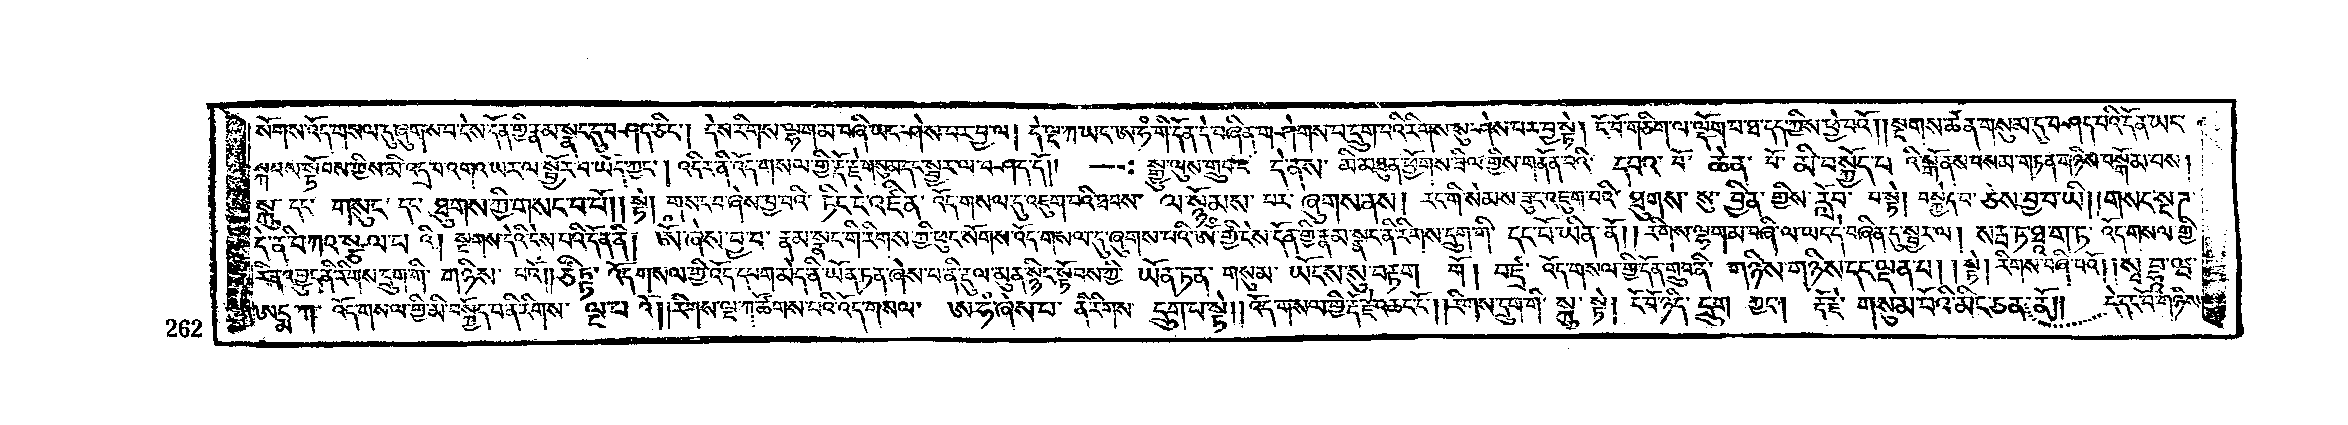སོགས་འོད་གསལ་དུ་ཞུགས་པ་ངེས་དོན་གྱི་རྣམ་སྣང་དུ་བཤད་ཅིང་། དེས་རིགས་ལྷག་མ་བཞི་ཡང་ཤེས་པར་བྱ་ལ། དེ་ལྔ་ཀ་ཡང་ཨ་ཧཾ་གི་དོན་དེ་བཞིན་གཤེགས་པ་དྲུག་པའི་རིགས་སུ་ཤེས་པར་བྱ་སྟེ། ངོ་བོ་གཅིག་ལ་ལྡོག་པ་ཐ་དད་ཀྱིས་ཕྱེ་བའོ། །སྔགས་ཚན་གསུམ་དུ་བཤད་པའི་དོན་ཡང་
སྐབས་སྟོབས་ཀྱིས་མི་འདྲ་བ་འགའ་ཡར་ལ་སྦྱོར་བ་ཡོད་ཀྱང་། འདིར་ནི་འོད་གསལ་གྱི་རྡོ་རྗེ་གསུམ་དང་སྦྱར་ལ་བཤད་དོ།། སྒྱུ་ལུས་གྲུབ་པ་དེ་ནས་མི་མཐུན་ཕྱོགས་ཟིལ་གྱིས་གནོན་པའི་དཔའ་བོ་ཆེན་པོ་མི་བསྐྱོད་པའི་སྒོ་ནས་བསམ་གཏན་གཉིས་བསྒོམ་པས།
སྐུ་དང་གསུང་དང་ཐུགས་ཀྱི་གསང་བ་པོ། ། སྟེ། གསང་བ་ཞེས་བྱ་བའི་ཏིང་ངེ་འཛིན་འོད་གསལ་དུ་འཇུག་པའི་ཐབས་ལ་སྙོམས་པར་ཞུགས་ནས། རང་གི་སེམས་ཟུང་འཇུག་པའི་ཐུགས་སུ་བྱིན་གྱིས་རློབ་པ་སྟེ། བསྐྱེད་པ་ཅེས་བྱ་བ་ཡི། །གསང་སྔགས་
དེ་ནི་བཀའ་སྩལ་པའི། སྔགས་དེའི་ངེས་པའི་དོན་ནི།  ཨོཾ་ཞེས་བྱ་བ་རྣམ་སྣང་གི་རིགས་ཀྱི་ཕུང་སོགས་འོད་གསལ་དུ་ཞུགས་པའི་ཨོཾ་གྱི་ངེས་དོན་གྱི་རྣམ་སྣང་ནི་རིགས་དྲུག་གི་དང་པོ་ཡིན་ནོ། །རིགས་ལྷག་མ་བཞི་ལ་ཡང་དེ་བཞིན་དུ་སྦྱར་ལ།  སརྦ་ཏ་ཐཱ་ག་ཏ་འོད་གསལ་གྱི་
རིན་འབྱུང་ནི་རིགས་དྲུག་གི་གཉིས་པའོ། །  ཙིཏྟ་འོད་གསལ་གྱི་འོད་དཔག་མེད་ནི་ཡོན་ཏན་ཞེས་པ་ནི་རྡུལ་མུན་སྙིང་སྟོབས་ཀྱི་ཡོན་ཏན་གསུམ་ཡོངས་སུ་བརྟག་གོ །  བཛྲ་འོད་གསལ་གྱི་དོན་གྲུབ་ནི་གཉིས་གཉིས་དང་ལྡན་པ། །སྟེ། རིགས་བཞི་པའོ།  །སྭ་བྷཱ་ཝ་
ཨདམ་ཀ་འོད་གསལ་གྱི་མི་བསྐྱོད་པ་ནི་རིགས་ལྔ་པའོ། །རིགས་ལྔ་ཀ་ཚོགས་པའི་འོད་གསལ་ཨ་ཨཧཾ་ཞེས་པ་ནི་རིགས་དྲུག་པ་སྟེ། །འོད་གསལ་གྱི་རྡོ་རྗེ་འཆང་ངོ། །རིགས་དྲུག་གི་སྐུ་སྟེ། ངོ་བོ་ཉིད་དྲུག་ཀྱང་། རྡོ་རྗེ་གསུམ་པོའི་མིང་ཅན་ནོ།། དེ་དང་པོ་གཉིས